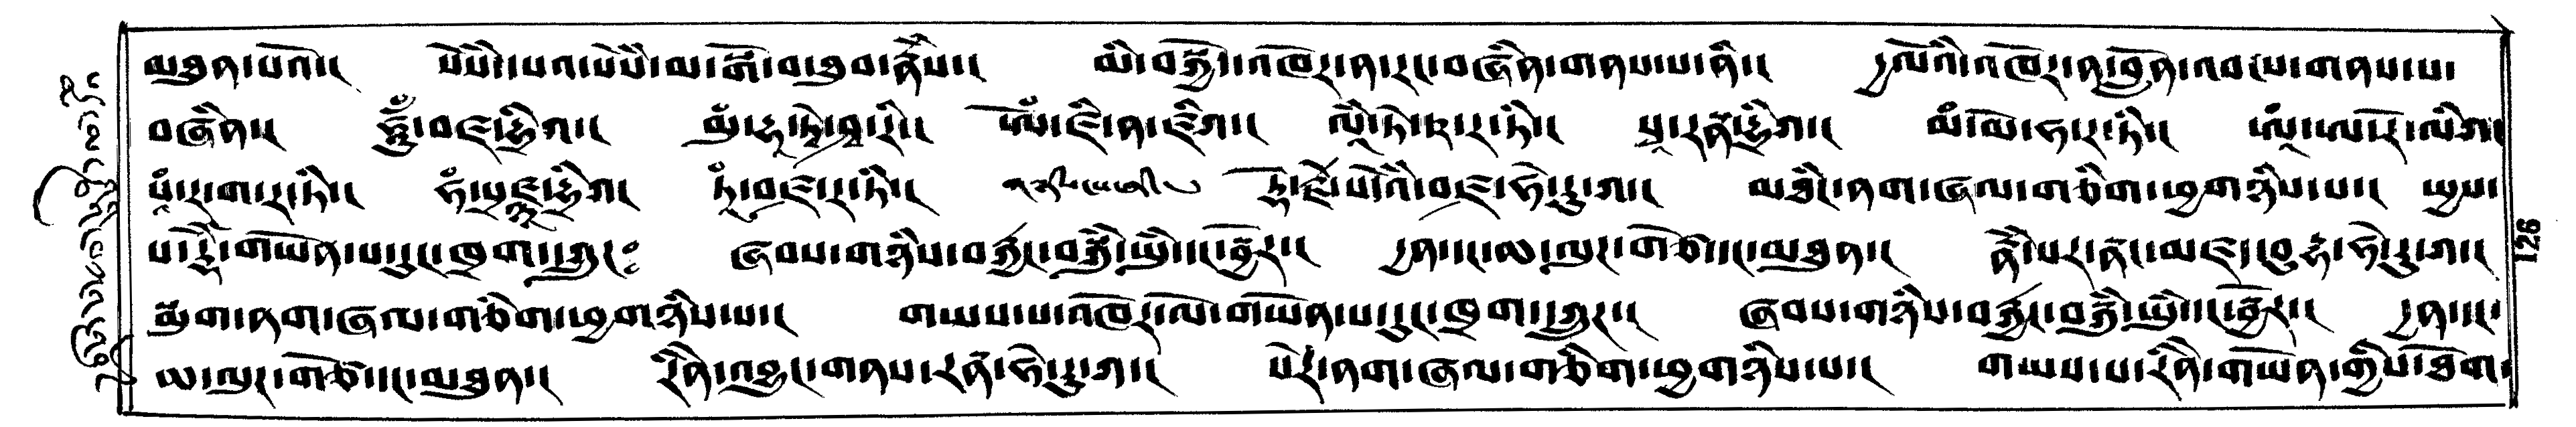མཐུན་པའོ། །སེམས་དཔའ་སེམས་མ་སྒོ་བ་ཐུབ་པ་རྣམས། །མི་བསྐྱོད་འཁོར་ན་རང་བཞིན་གནས་པ་ནི། །རྒྱལ་པོའི་འཁོར་ན་བློན་འབངས་གནས་པ་
བཞིན། ཧཱུྃ་བཛྲ་དྷྲིཀ།མུྃ་དྷཱ་ཏྭེ་ཤྭ་རི། ཨོཾ་ཛི་ན་ཛིཀ། ལཱཾ་ཏེ་ར་ར་ཏི། སྭ་རཏྣ་དྷྲིཀ། མཾ་མོ་ཧ་ར་ཏི། ཨཱཾ་ཨ་རོ་ལིཀ།
 པཱཾ་ར་ག་ར་ཏི། ཧ་པྲཛྙཾ་དྷྲིཀ། ཏཱཾ་བཛྲ་ར་ཏི། གཉིས་པ་ནི། རྡོ་རྗེ་སེམས་དཔའ་བཛྲ་ཧེ་རུ་ཀཿ །མཐིང་ནག་ཞལ་གཅིག་ཕྱག་གཉིས་པ། གཡས་
པ་རྡོ་རྗེ་གཡོན་པ་དུང་ཁྲག་དཀྲུགས། །ཞབས་གཉིས་བརྐྱང་བསྐུམ་ཡུམ་དང་སྦྱོར། །རྒྱན་དང་ཆ་ལུགས་གཙོ་དང་མཐུན། །རྣམ་པར་སྣང་མཛད་བུདྷ་ཧེ་རུ་ཀཿ །
སྨུག་ནག་ཞལ་གཅིག་ཕྱག་གཉིས་པ། །གཡས་པས་འཁོར་ལོ་གཡོན་པས་དུང་ཁྲག་དཀྲུགས། །ཞབས་གཉིས་བརྐྱང་བསྐུམ་ཡུམ་དང་སྦྱོར། །རྒྱན་དང་
ཆ་ལུགས་གཙོ་དང་མཐུན། །རིན་ཆེན་འབྱུང་གནས་རཏྣ་ཧེ་རུ་ཀཿ །སེར་ནག་ཞལ་གཅིག་ཕྱག་གཉིས་པ། །གཡས་པས་རིན་ཆེན་གཡོན་གྱིས་ཐོད་